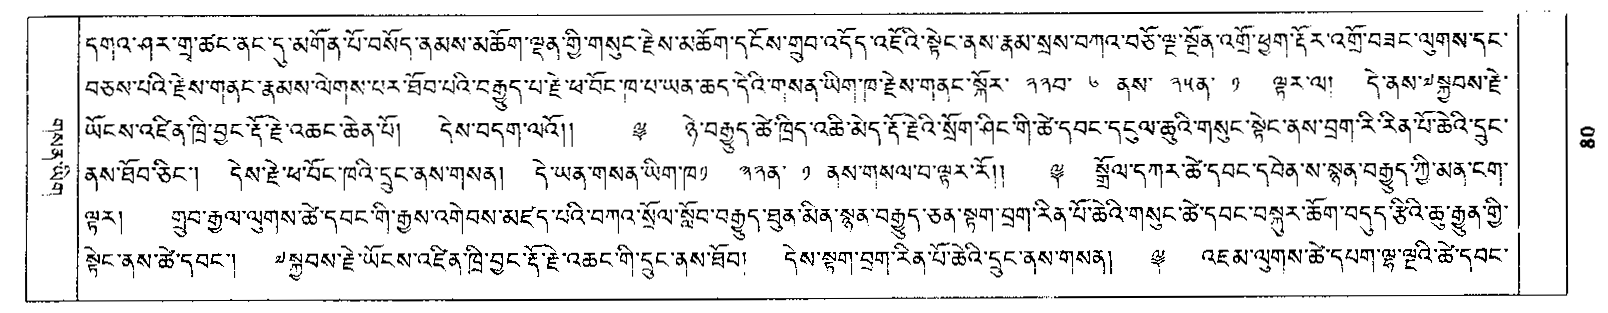དགའ་ཤར་གྲྭ་ཚང་ནང་དུ་མགོན་པོ་བསོད་ནམས་མཆོག་ལྡན་གྱི་གསུང་རྗེས་མཆོག་དངོས་གྲུབ་འདོད་འཇོའི་སྟེང་ནས་རྣམ་སྲས་བཀའ་བཅོ་ལྔ་སྔོན་འགྲོ་ཕྱག་རྡོར་འགྲོ་བཟང་ལུགས་དང་
བཅས་པའི་རྗེས་གནང་རྣམས་ལེགས་པར་ཐོབ་པའི་བརྒྱུད་པ་རྗེ་ཕ་བོང་ཁ་པ་ཡན་ཆད་དེའི་གསན་ཡིག་ཁ་རྗེས་གནང་སྐོར ༢༢་བ ༦་ནས ༢༥་ནས ༢༥་ན ༡་ལྟར་ལ། དེ་ནས་༧་སྐྱབས་རྗེ་
ཡོངས་འཛིན་ཁྲི་བྱང་རྡོ་རྗེ་འཆང་ཆེན་པོ། དེས་བདག་ལའོ།། ༈ ཉེ་བརྒྱུད་ཚེ་ཁྲིད་འཆི་མེད་རྡོ་རྗེའི་སྲོག་ཤིང་གི་ཚེ་དབང་དངུལ་ཆུའི་གསུང་སྟེང་ནས་བྲག་རི་རིན་པོ་ཆེའི་དྲུང་
ནས་ཐོབ་ཅིང་། དེས་རྗེ་ཕ་བོང་ཁའི་དྲུང་ནས་གསན། དེ་ཡན་གསན་ཡིག་ཁ ༡ ༣༢་ན ༡་ནས་གསལ་བ་ལྟར་རོ།། ༈ སྒྲོལ་དཀར་ཚེ་དབང་དབེན་ས་སྙན་བརྒྱུད་ཀྱི་མན་ངག་
ལྟར། གྲུབ་རྒྱལ་ལུགས་ཚེ་དབང་གི་རྒྱས་འགེབས་མཛད་པའི་བཀའ་སྲོལ་སློབ་བརྒྱུད་ཐུན་མིན་སྙན་བརྒྱུད་ཅན་སྟག་བྲག་རིན་པོ་ཆེའི་གསུང་ཚེ་དབང་བསྐུར་ཆོག་བདུད་རྩིའི་ཆུ་རྒྱུན་གྱི་
སྟེང་ནས་ཚེ་དབང་། ༧་སྐྱབས་རྗེ་ཡོངས་འཛིན་ཁྲི་བྱང་རྡོ་རྗེ་འཆང་གི་དྲུང་ནས་ཐོབ། དེས་སྟག་བྲག་རིན་པོ་ཆེའི་དྲུང་ནས་གསན། ༈ འཇམ་ལུགས་ཚེ་དཔག་ལྷ་ལྔའི་ཚེ་དབང་